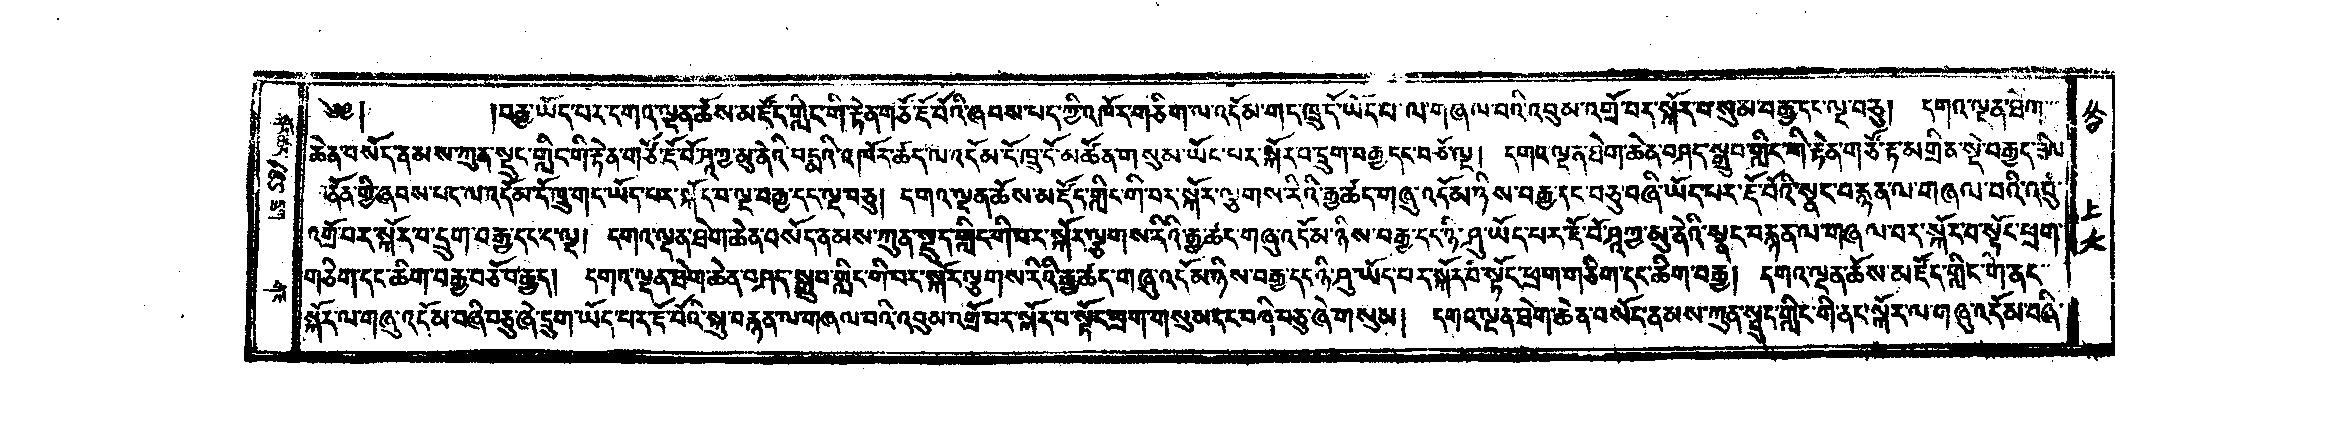༄༅། །བརྒྱ་ཡོད་པར་དགའ་ལྡན་ཆོས་མཛོད་གླིང་གི་རྟེན་གཙོ་ཇོ་བོའི་ཞབས་པད་ཀྱི་འཁོར་གཅིག་ལ་འདོམ་གང་ཁྲུ་དོ་ཡོད་པ་ལ་གཞལ་བའི་འབུམ་འགྲོ་བར་སྐོར་བ་སུམ་བརྒྱ་དང་ལྔ་བཅུ། དགའ་ལྡན་ཐེག་
ཆེན་བསོད་ནམས་ཀུན་སྡུང་གླིང་གི་རྟེན་གཙོ་ཇོ་བོ་ཤཱཀྱ་མུ་ནའི་པདམའི་འཁོར་ཚད་ལ་འདོམ་ངོ་ཁྲུ་དོ་མཚོན་གསུམ་ཡོང་པར་སྐོར་བ་དྲུག་བརྒྱ་དང་བཅོ་ལྔ། དགའ་ལྡན་ཐེག?་ཆེན་བཤད་སྒྲུབ་གླིང་གི་རྟེན་གཙོ་རྟ་མགྲིན་སྡེ་བརྒྱད་ཚལ་
གནོན་གྱི་ཞབས་པད་ལ་འདོམ་དོ་ཁྲུ་གང་ཡོད་པར་སྐོར་བ་ལྔ་བརྒྱ་དང་ལྔ་བཅུ། དགའ་ལྡན་ཆོས་མཛོད་གླིང་གི་བར་སྐོར་ལྕགས་རིའི་རྒྱ་ཚད་གཞུ་འདོམ་ཉིས་བརྒྱ་དང་བཅུ་བཞི་ཡོད་པར་ཇོ་བོའི་སྣང་བརྙན?་ལ་གཞལ་བའི་འབུ་
འགྲོ་བར་སྐོར་བ་དྲུག་བརྒྱ་དང་ང་ལྔ། དགའ་ལྡན་ཐེག་ཆེན་བསོད་ནམས་ཀུན་སྡུད་གླིང་གི་བར་སྐོར་ལྕགས་རིའི་རྒྱ་ཚང་གཞུ་འདོམ་ཉིས་བརྒྱ་དང་ཉི་ཤུ་ཡོད་པར་ཇོ་བོ་ཤཱཀྱ་མུ་ནེའི་སྣང་བརྙན་ལ་གཞལ་བར་སྐོར་བ་སྟོང་ཕྲག་
གཅིག་དང་ཆིག་བརྒྱ་བཅོ་བརྒྱད། དགའ་ལྡན་ཐེག་ཆེན་བཤད་སྒྲུབ་གླིང་གི་བར་སྐོར་ལྕགས་རིའི་རྒྱ་ཚད་གཞུ་འདོམ་ཉིས་བརྒྱ་དང་ཉི་ཤུ་ཡོད་པར་སྐོར་བ་སྟོང་ཕྲག་གཅིག་དང་ཆིག་བརྒྱ། དགའ་ལྡན་ཆོས་མཛོད་གླིང་གི་ནང་
སྐོར་ལ་གཞུ་འདོམ་བཞི་བཅུ་ཞེ་དྲུག་ཡོད་པར་ཇོ་བོའི་སྐུ་བརྙན་ལ་གཞལ་བའི་འབུམ་འགྲོ་བར་སྐོར་བ་སྟོང་ཕྲག་གསུམ་དང་བཞི་བཅུ་ཞེ་གསུམ། དགའ་ལྡན་ཐེག་ཆེན་བསོད་ནམས་ཀུན་སྡུད་གླིང་གི་ནང་སྐོར་ལ་གཞུ་འདོམ་བཞི་